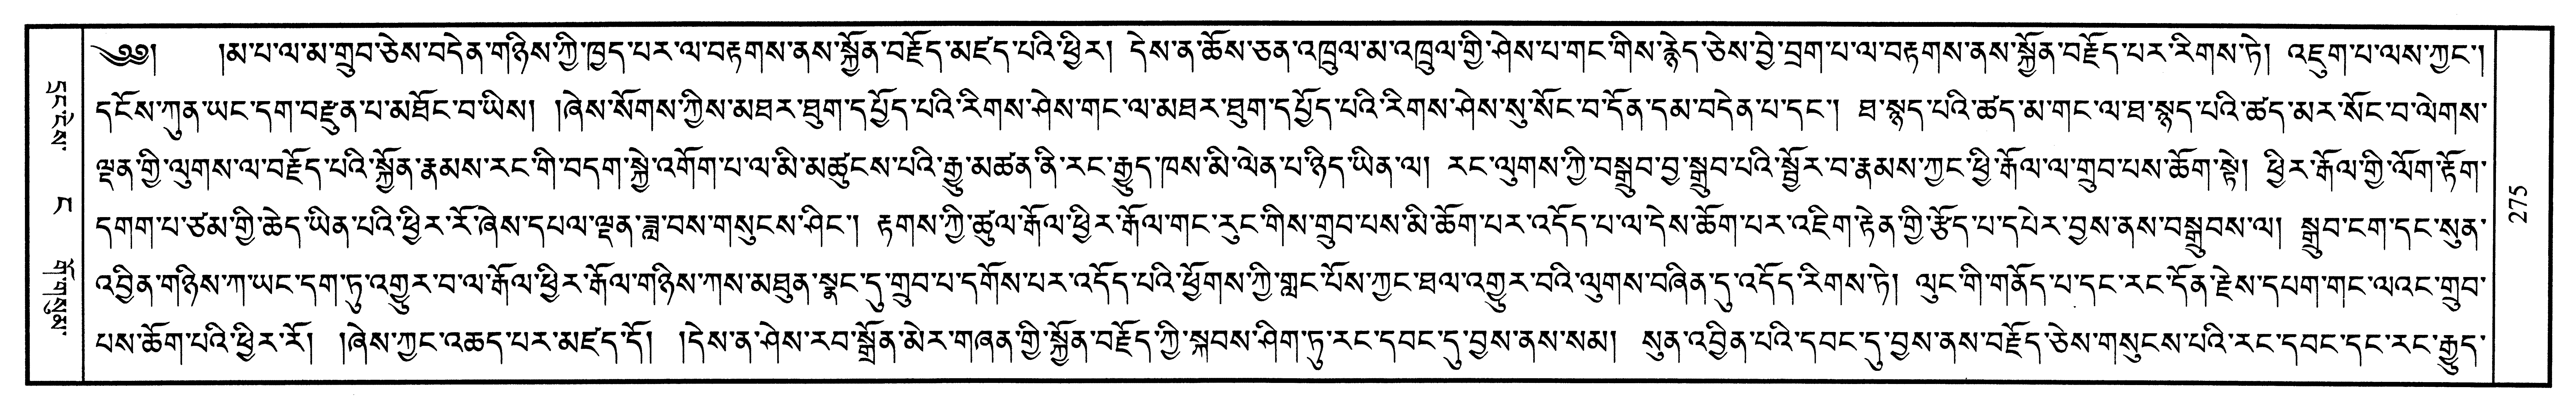༄༅། །མ་པ་ལ་མ་གྲུབ་ཅེས་བདེན་གཉིས་ཀྱི་ཁྱད་པར་ལ་བརྟགས་ནས་སྐྱོན་བརྗོད་མཛད་པའི་ཕྱིར། དེས་ན་ཆོས་ཅན་འཁྲུལ་མ་འཁྲུལ་གྱི་ཤེས་པ་གང་གིས་རྙེད་ཅེས་བྱེ་བྲག་པ་ལ་བརྟགས་ནས་སྐྱོན་བརྗོད་པར་རིགས་ཏེ། འཇུག་པ་ལས་ཀྱང་།
དངོས་ཀུན་ཡང་དག་བརྫུན་པ་མཐོང་བ་ཡིས། །ཞེས་སོགས་ཀྱིས་མཐར་ཐུག་དཔྱོད་པའི་རིགས་ཤེས་གང་ལ་མཐར་ཐུག་དཔྱོད་པའི་རིགས་ཤེས་སུ་སོང་བ་དོན་དམ་བདེན་པ་དང་། ཐ་སྙད་པའི་ཚད་མ་གང་ལ་ཐ་སྙད་པའི་ཚད་མར་སོང་བ་ལེགས་
ལྡན་གྱི་ལུགས་ལ་བརྗོད་པའི་སྐྱོན་རྣམས་རང་གི་བདག་སྐྱེ་འགོག་པ་ལ་མི་མཚུངས་པའི་རྒྱུ་མཚན་ནི་རང་རྒྱུད་ཁས་མི་ལེན་པ་ཉིད་ཡིན་ལ། རང་ལུགས་ཀྱི་བསྒྲུབ་བྱ་སྒྲུབ་པའི་སྦྱོར་བ་རྣམས་ཀྱང་ཕྱི་རྒོལ་ལ་གྲུབ་པས་ཆོག་སྟེ། ཕྱིར་རྒོལ་གྱི་ལོག་རྟོག་
དགག་པ་ཙམ་གྱི་ཆེད་ཡིན་པའི་ཕྱིར་རོ་ཞེས་དཔལ་ལྡན་ཟླ་བས་གསུངས་ཤིང་། རྟགས་ཀྱི་ཚུལ་རྒོལ་ཕྱིར་རྒོལ་གང་རུང་གིས་གྲུབ་པས་མི་ཆོག་པར་འདོད་པ་ལ་དེས་ཆོག་པར་འཇིག་རྟེན་གྱི་རྩོད་པ་དཔེར་བྱས་ནས་བསྒྲུབས་ལ། སྒྲུབ་ངག་དང་སུན་
འབྱིན་གཉིས་ཀ་ཡང་དག་ཏུ་འགྱུར་བ་ལ་རྒོལ་ཕྱིར་རྒོལ་གཉིས་ཀས་མཐུན་སྣང་དུ་གྲུབ་པ་དགོས་པར་འདོད་པའི་ཕྱོགས་ཀྱི་གླང་པོས་ཀྱང་ཐལ་འགྱུར་བའི་ལུགས་བཞིན་དུ་འདོད་རིགས་ཏེ། ལུང་གི་གནོད་པ་དང་རང་དོན་རྗེས་དཔག་གང་ལའང་གྲུབ་
པས་ཆོག་པའི་ཕྱིར་རོ། །ཞེས་ཀྱང་འཆད་པར་མཛད་དོ། །དེས་ན་ཤེས་རབ་སྒྲོན་མེར་གཞན་གྱི་སྐྱོན་བརྗོད་ཀྱི་སྐབས་ཤིག་ཏུ་རང་དབང་དུ་བྱས་ནས་སམ། སུན་འབྱིན་པའི་དབང་དུ་བྱས་ནས་བརྗོད་ཅེས་གསུངས་པའི་རང་དབང་དང་རང་རྒྱུད་